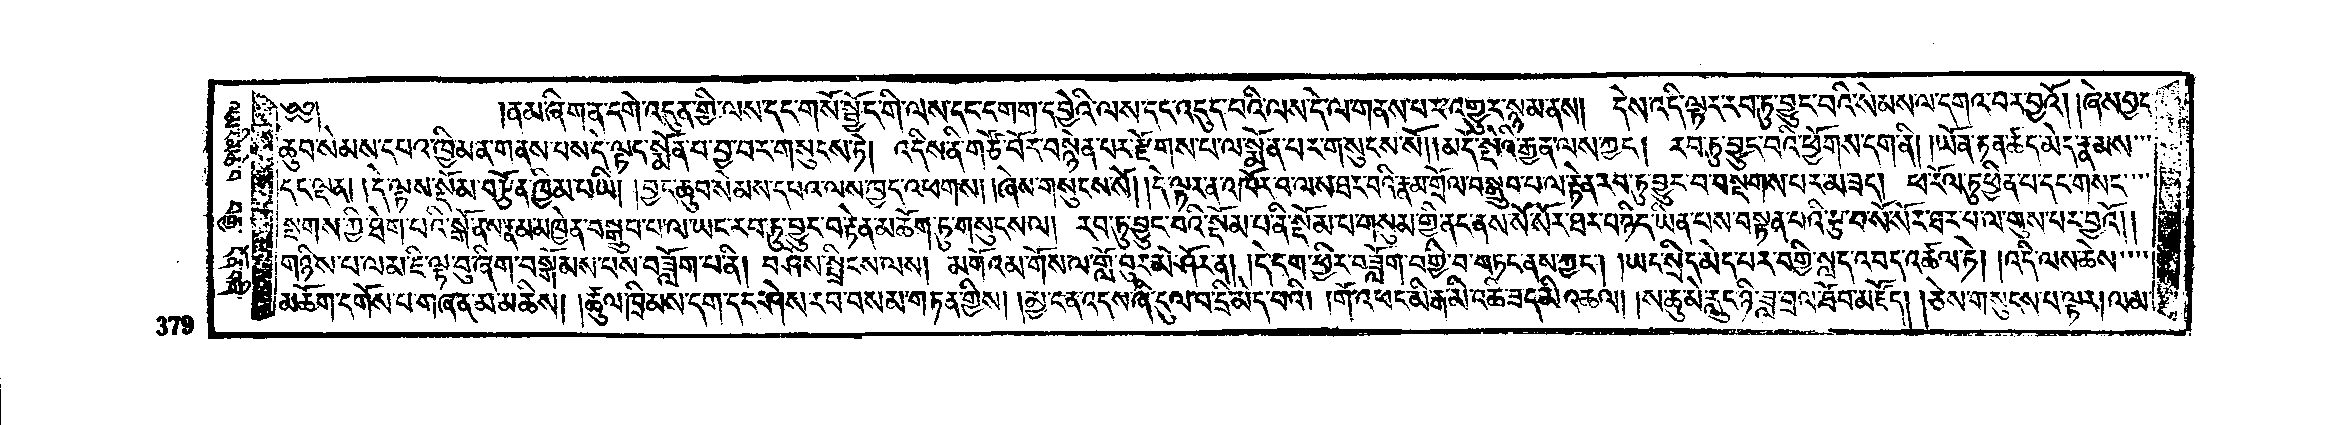༄༅། །ནམ་ཞིག་ན་དགེ་འདུན་གྱི་ལས་དང་གསོ་སྦྱོང་གི་ལས་དང་དགག་དབྱེའི་ལས་དང་འདུད་པའི་ལས་དེ་ལ་གནས་པར་འགྱུར་སྙམ་ནས། དེས་འདི་ལྟར་རབ་ཏུ་བྱུང་བའི་སེམས་ལ་དགའ་བར་བྱའོ། །ཞེས་བྱང་
ཆུབ་སེམས་དཔའ་ཁྱིམ་ན་གནས་པས་དེ་ལྟར་སྨོན་པ་བྱ་བར་གསུངས་ཏེ། འདིས་ནི་གཙོ་བོར་བསྙེན་པར་རྫོགས་པ་ལ་སྨོན་པར་གསུངས་སོ། །མདོ་སྡེའི་རྒྱན་ལས་ཀྱང་། རབ་ཏུ་བྱུང་བའི་ཕྱོགས་དག་ནི། །ཡོན་ཏན་ཚད་མེད་རྣམས་
དང་ལྡན། །དེ་ལྟས་སྡོམ་བརྩོན་ཁྱིམ་པ་ཡི། །བྱང་ཆུབ་སེམས་དཔའ་ལས་ཁྱད་འཕགས། །ཞེས་གསུངས་སོ། །དེ་ལྟར་ན་འཁོར་བ་ལས་ཐར་བའི་རྣམ་གྲོལ་བསྒྲུབ་པ་ལ་རྟེན་རབ་ཏུ་བྱུང་བ་བསྔགས་པར་མ་ཟད། ཕ་རོལ་ཏུ་ཕྱིན་པ་དང་གསང་
སྔགས་ཀྱི་ཐེག་པའི་སྒོ་ནས་རྣམ་མཁྱེན་བསྒྲུབ་པ་ལ་ཡང་རབ་ཏུ་བྱུང་བརྟེན་མཆོག་ཏུ་གསུངས་ལ། རབ་ཏུ་བྱུང་བའི་སྡོམ་པ་ནི་སྡོམ་པ་གསུམ་གྱི་ནང་ནས་སོ་སོར་ཐར་པ་ཉིད་ཡིན་པས་བསྟན་པའི་རྩ་བ་སོ་སོར་ཐར་པ་ལ་གུས་པར་བྱའོ། །
གཉིས་པ་ལམ་ཇི་ལྟ་བུ་ཞིག་བསྒོམས་པས་བཟློག་པ་ནི། བཤེས་སྤྲིངས་ལས། མགོ་འམ་གོས་ལ་གློ་བུར་མེ་ཤོར་ན། །དེ་དག་ཕྱིར་བཟློག་བགྱི་བ་བཏང་ནས་ཀྱང་། །ཡང་སྲིད་མེད་པར་བགྱི་སླད་འབད་འཚལ་ཏེ། །འདི་ལས་ཆེས་
མཆོག་དགོས་པ་གཞན་མ་མཆིས། །ཚུལ་ཁྲིམས་དག་དང་ཤེས་རབ་བསམ་གཏན་གྱིས། །མྱ་ངན་འདས་ཞི་དུལ་བ་དྲི་མེད་པའི། །གོ་འཕང་མི་རྒ་མི་འཆི་ཟད་མི་འཚལ། །ས་ཆུ་མེ་རླུང་ཉི་ཟླ་བྲལ་ཐོབ་མཛོད། །ཅེས་གསུངས་པ་ལྟར། ལམ་